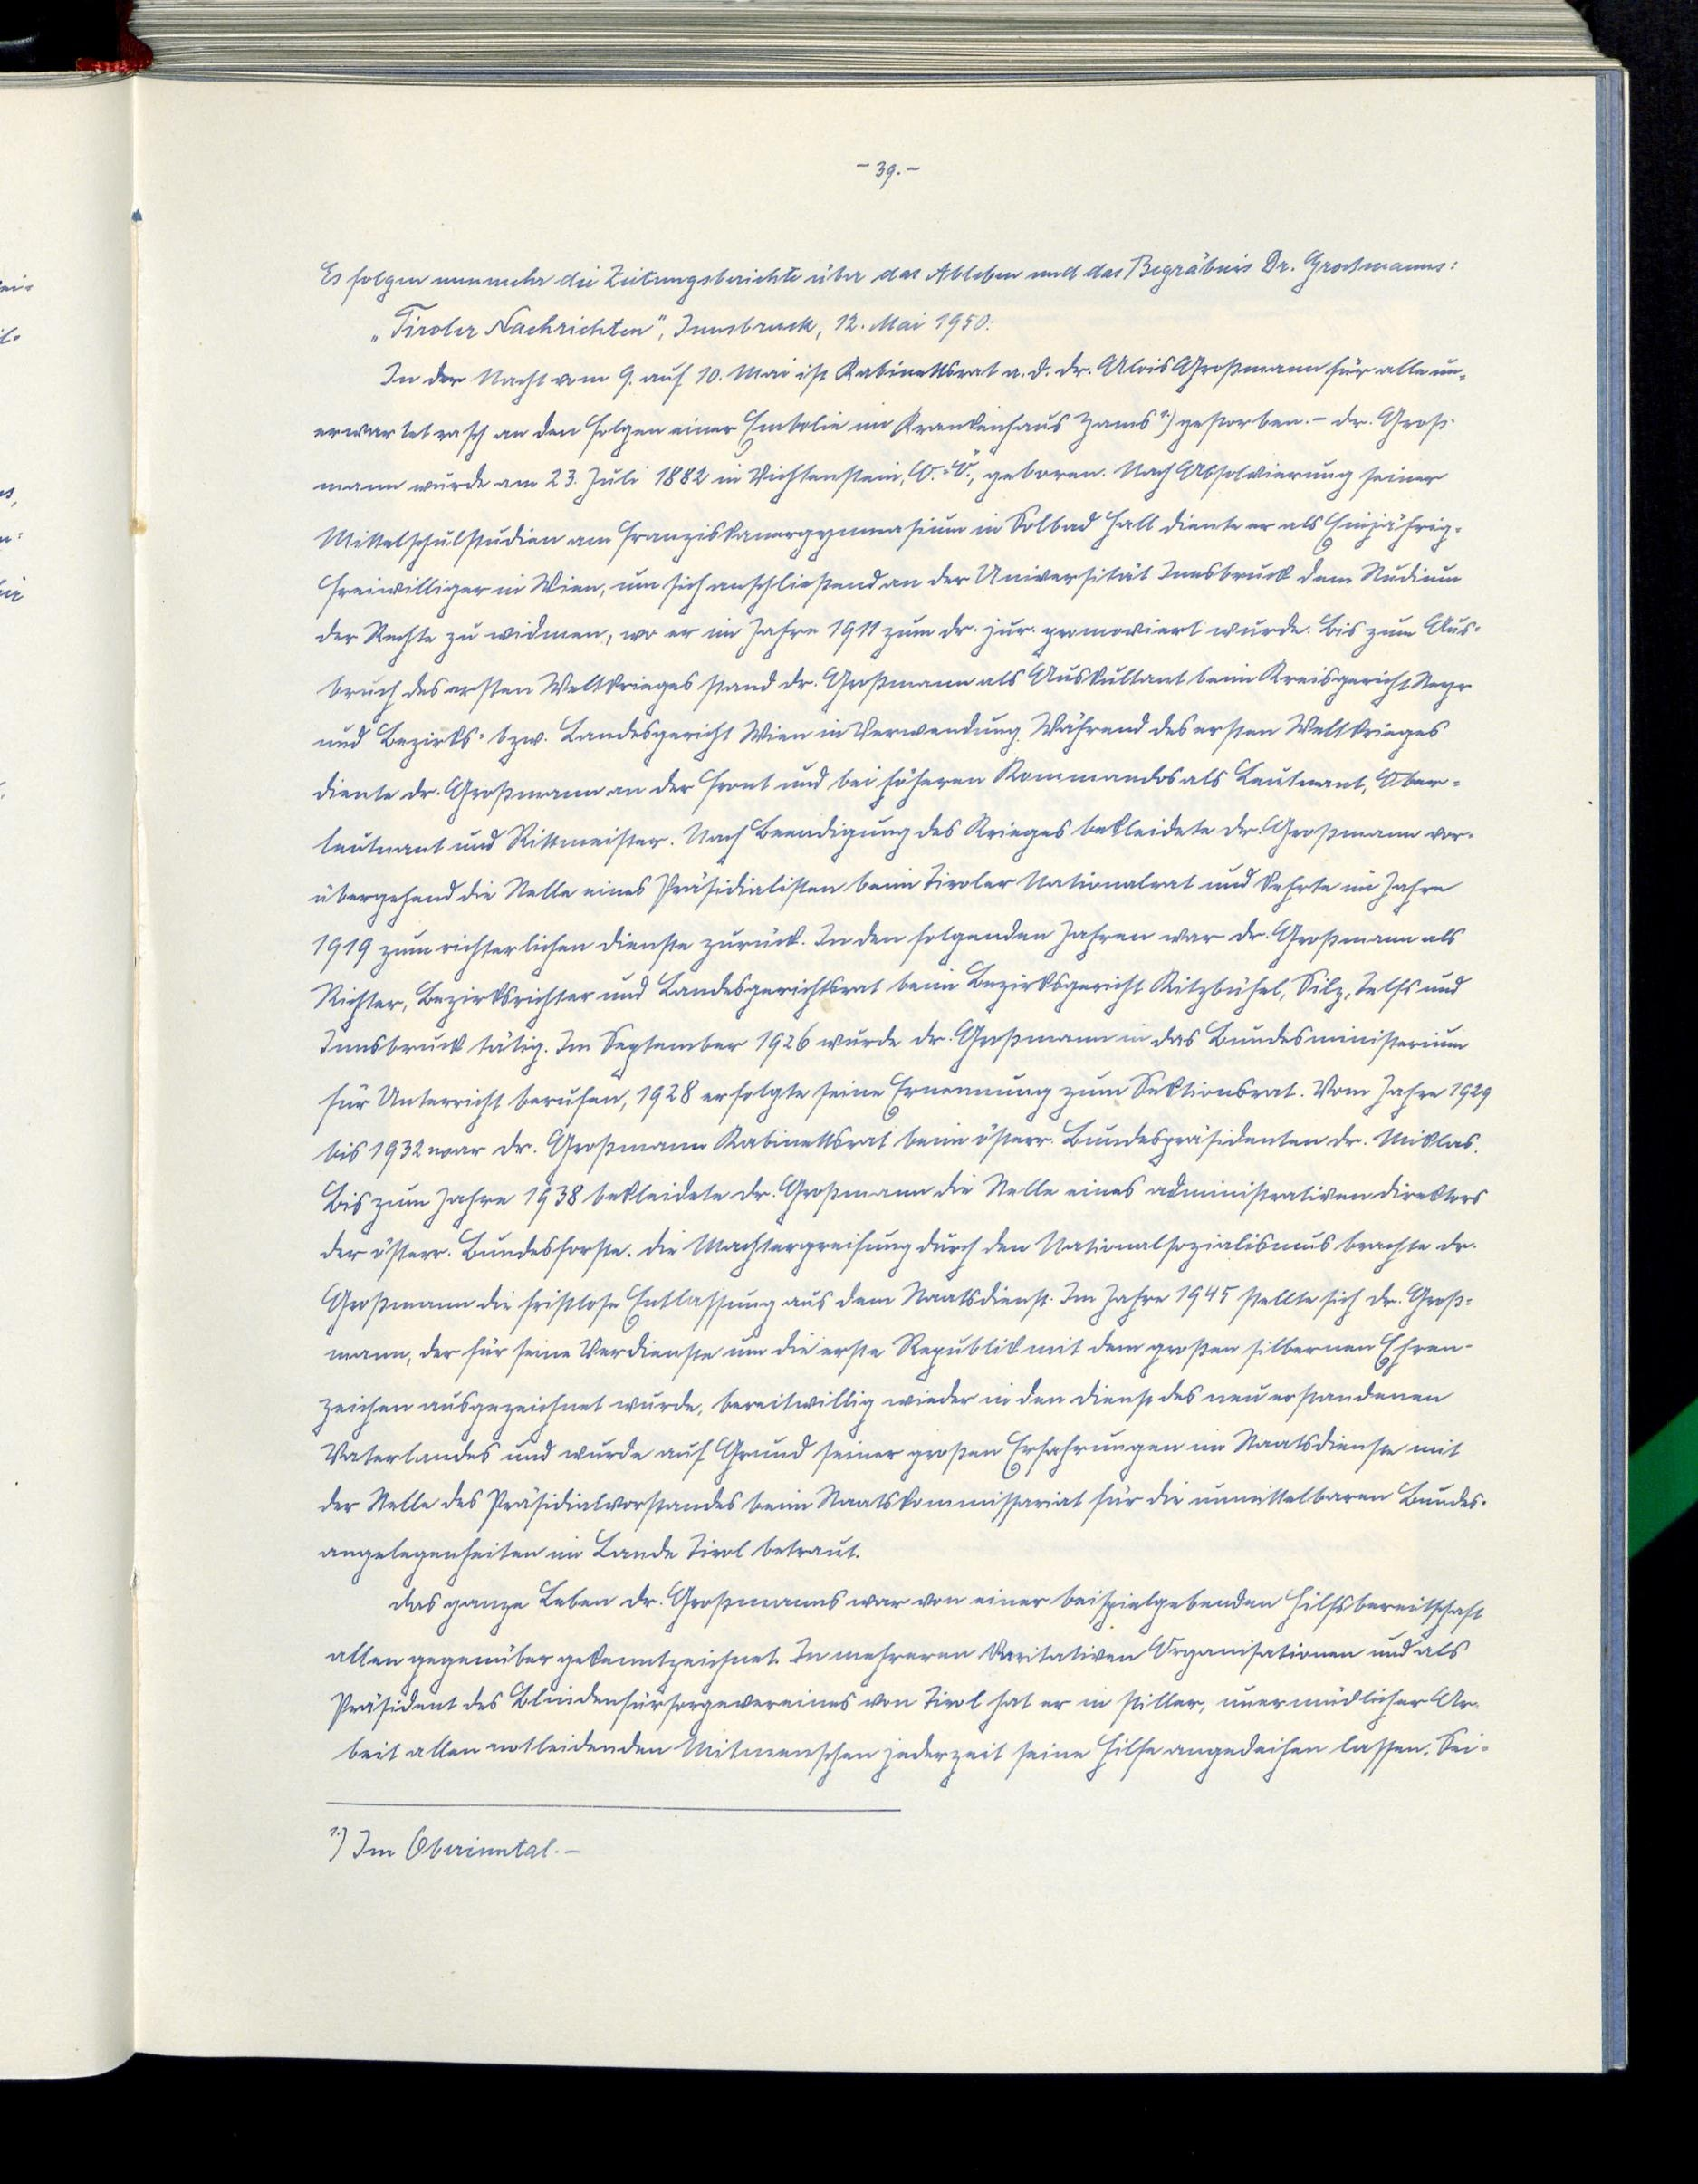39
Es folgen nunmehr die Zeitungsberichte über das Ableben und das Begräbnis Dr. Großmanns:
„Tiroler Nachrichten“, Innsbruck, 12. Mai 1950:
In der Nacht vom 9. auf den 10. Mai ist Kabinettsrat a. D. Dr. Alois Großmann für alle un-
erwartet rasch an den Folgen einer Embolie im Krankenhaus Zams gestorben. - Dr. Groß-
mann wurden 23. Juli 1882 in Vichtenstein, OÖ geboren. Nach Absolvierung seiner
Mittelschulstudien am Franziskanergymnasium in Solbad Hall diente er als Einjährig-
freiwilliger in Wien, um sich anschließend an der Universität Innsbruck dem Studium
der Rechte zu widmen, wo er im Jahre 1911 zum Dr. iur. promoviert wurde. Bis zum Aus-
bruch des ersten Weltkrieges stand Dr. Großmann als Auskultant beim Kreisgericht Steyer
und Bezirks- bzw. Landesgericht Wien in Verwendung. Während des Ersten Weltkrieges
diente Dr. Großmann an der Front und bei höheren Kommandos als Leutnant, Ober-
leutnant und Rittmeister. Nach Beendigung des Krieges bekleidete Dr. Großmann vor-
übergehend die Stelle eines Präsidialisten beim Tiroler Nationalrat und kehrte im Jahre
1919 zum richterlichen Dienste zurück. In den folgenden Jahren war Dr. Großmann als
Richter, Bezirksrichter und Landesgerichtsrat beim Bezirksgericht Kitzbühel, Silz, Telfs und
Innsbruck tätig. Im September 1926 wurde Dr. Großmann in das Bundesministerium
für Unterricht berufen, 1928 erfolgte seine Ernennung zum Sektionsrat. Vom Jahre 1929
bis 1932 war Dr. Großmann Kabinettsrat beim österreichischen Bundespräsidenten Dr. Miklas.
Bis zum Jahre 1938 bekleidete Dr. Großmann die Stelle eines administrativen Direktors
der österr. Bundesforste. Die Machtergreifung durch den Nationalsozialismus brachte Dr.
Großmann die fristlose Entlassung aus dem Staatsdienst. Im Jahre 1945 stellte sich Dr. Groß-
mann, der für seine Verdienste um die erste Republik mit dem großen silbernen Ehren-
zeichen ausgezeichnet wurde, bereitwillig wieder in den Dienst des neu erstandenen
Vaterlandes und wurde auf Grund seiner großen Erfahrungen im Staatsdienste mit
der Stelle des Präsidialvorstandes beim Staatskommissariat für die unmittelbaren Bundes-
angelegenheiten des Landes Tirol betraut.
Das ganze Leben Dr. Großmanns war von einer beispielgebenden Hilfsbereitschaft
allen gegenüber gekennzeichnet. In mehreren karitativen Organisationen und als
Präsident des Blinden Fürsorgevereins von Tirol hat er in stiller, unermüdlicher Ar-
beit allen Not leidenden Mitmenschen jederzeit seine Hilfe angedeihen lassen. Sei-
1) Im Oberinntal.-